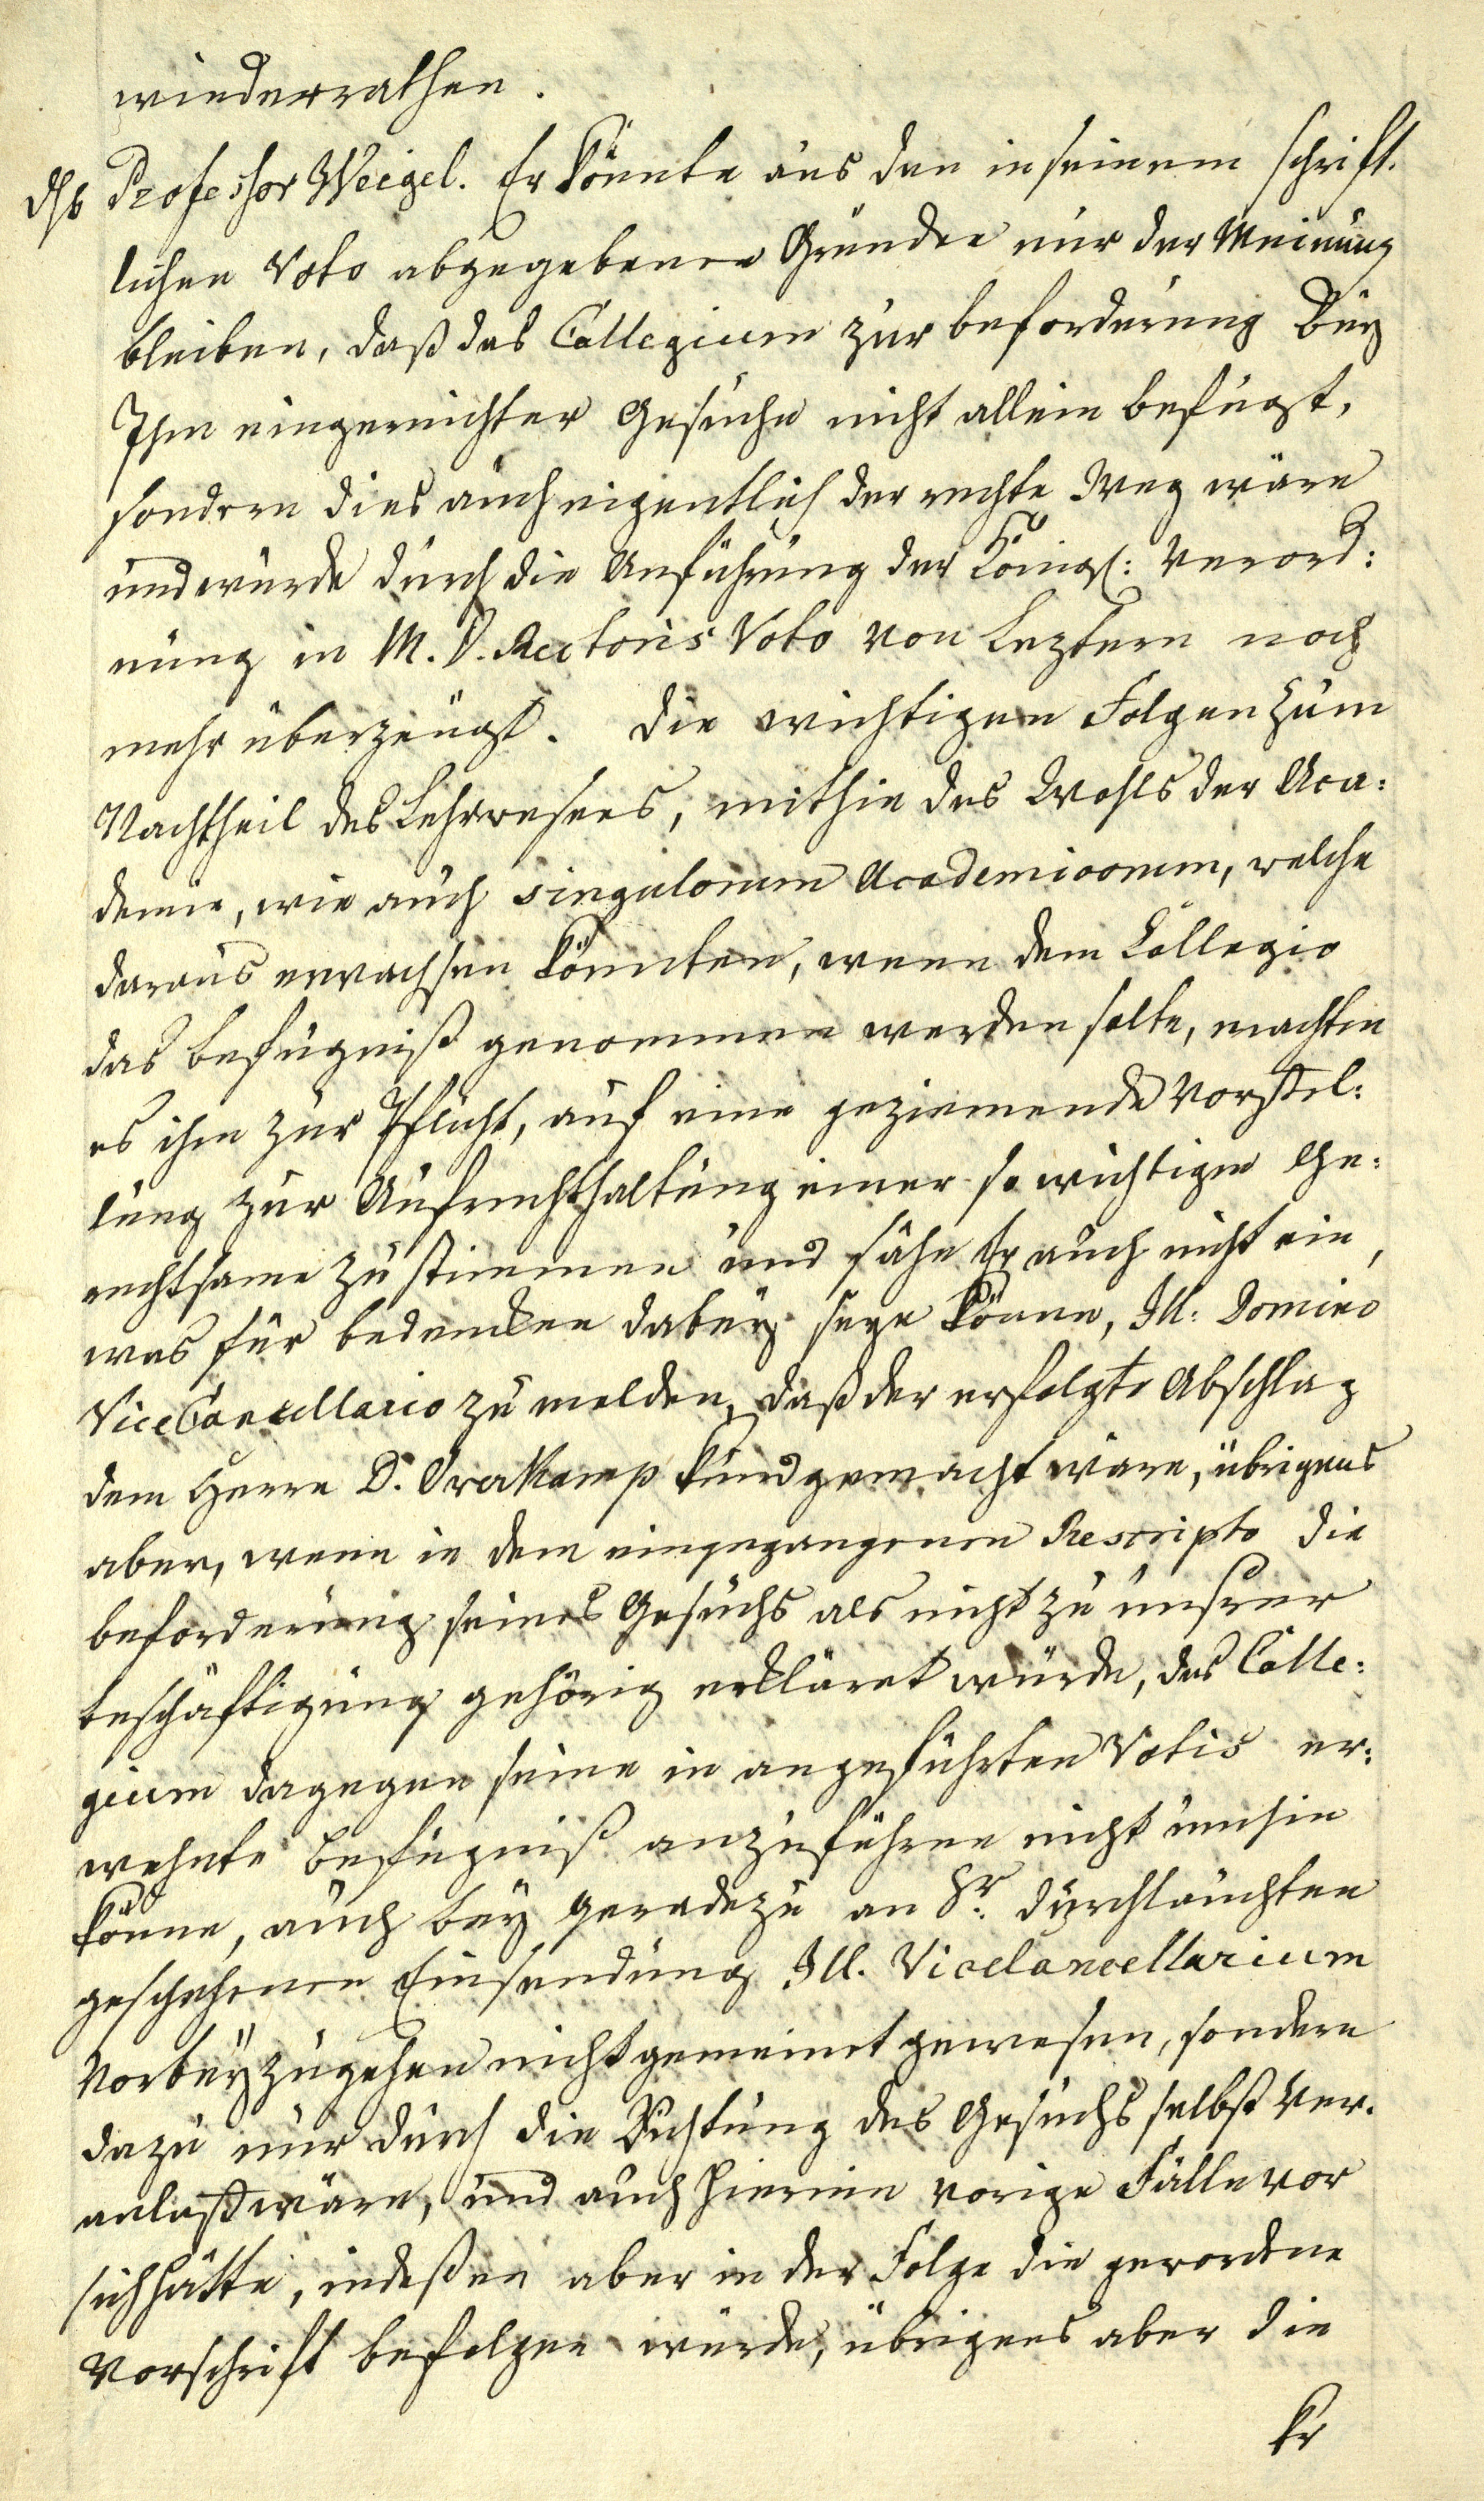wiederrathen.
dh Professor Weigel. Er könnte aus den in seinem schrift¬
lichen Voto abgegebenen Gründen nur der Meinung
bleiben, daß das Collegium zur Beförderung beÿ
Ihm eingereichter Gesuche nicht allein befugt,
sondern dies auch eigentlich der rechte Weg wäre
und würde durch die Anführung der Königl. Verord¬
nung in M. D. Rectoris Voto von leztern noch
mehr überzeugt. Die wichtigen Folgen zum
Nachtheil des Lehrwesens, mithin das Wohls der Aca¬
demie, wie auch singulorum Academicorum, welche
daraus erwachsen könnten, wenn dem Collegio
das Befugniß genommen werden solte, machten
es ihm zur Pflicht, auf eine geziemende Vorstel¬
lung zur Aufrechthaltung einer so wichtigen Ge¬
rechtsame zu stimmen und sähe Er auch nicht ein,
was für Bedencken dabei seÿn könne, Ill. Domino
Vice Cancellario zu melden daß der erfolgte Abschlag
dem Herrn D. Overkamp kundgemacht wäre, übrigens
aber, wenn in dem eingegangenen Rescripto die
Beforderung seines Gesuchs als nicht zu unsrer
Beschäftigung gehörig erkläret würde, das Colle¬
gium dagegen seine in angeführten Votis er¬
wehnte Befugniß anzuführen nicht umhin
könne, auch beÿ geradezu an Sr Durchlauchten
geschehenen Einsendung Ill. ViceCancellarium
vorbeÿzugehen nicht gemeinet gewesen, sondern
dazu nur durch die Richtung des Gesuchs selbst ver¬
anlast wäre, und auch hierin vorige Fälle vor
sich hätte, indeßen aber in der Folge die gewordene
Vorschrift befolgen. würde, übrigens aber die
kr